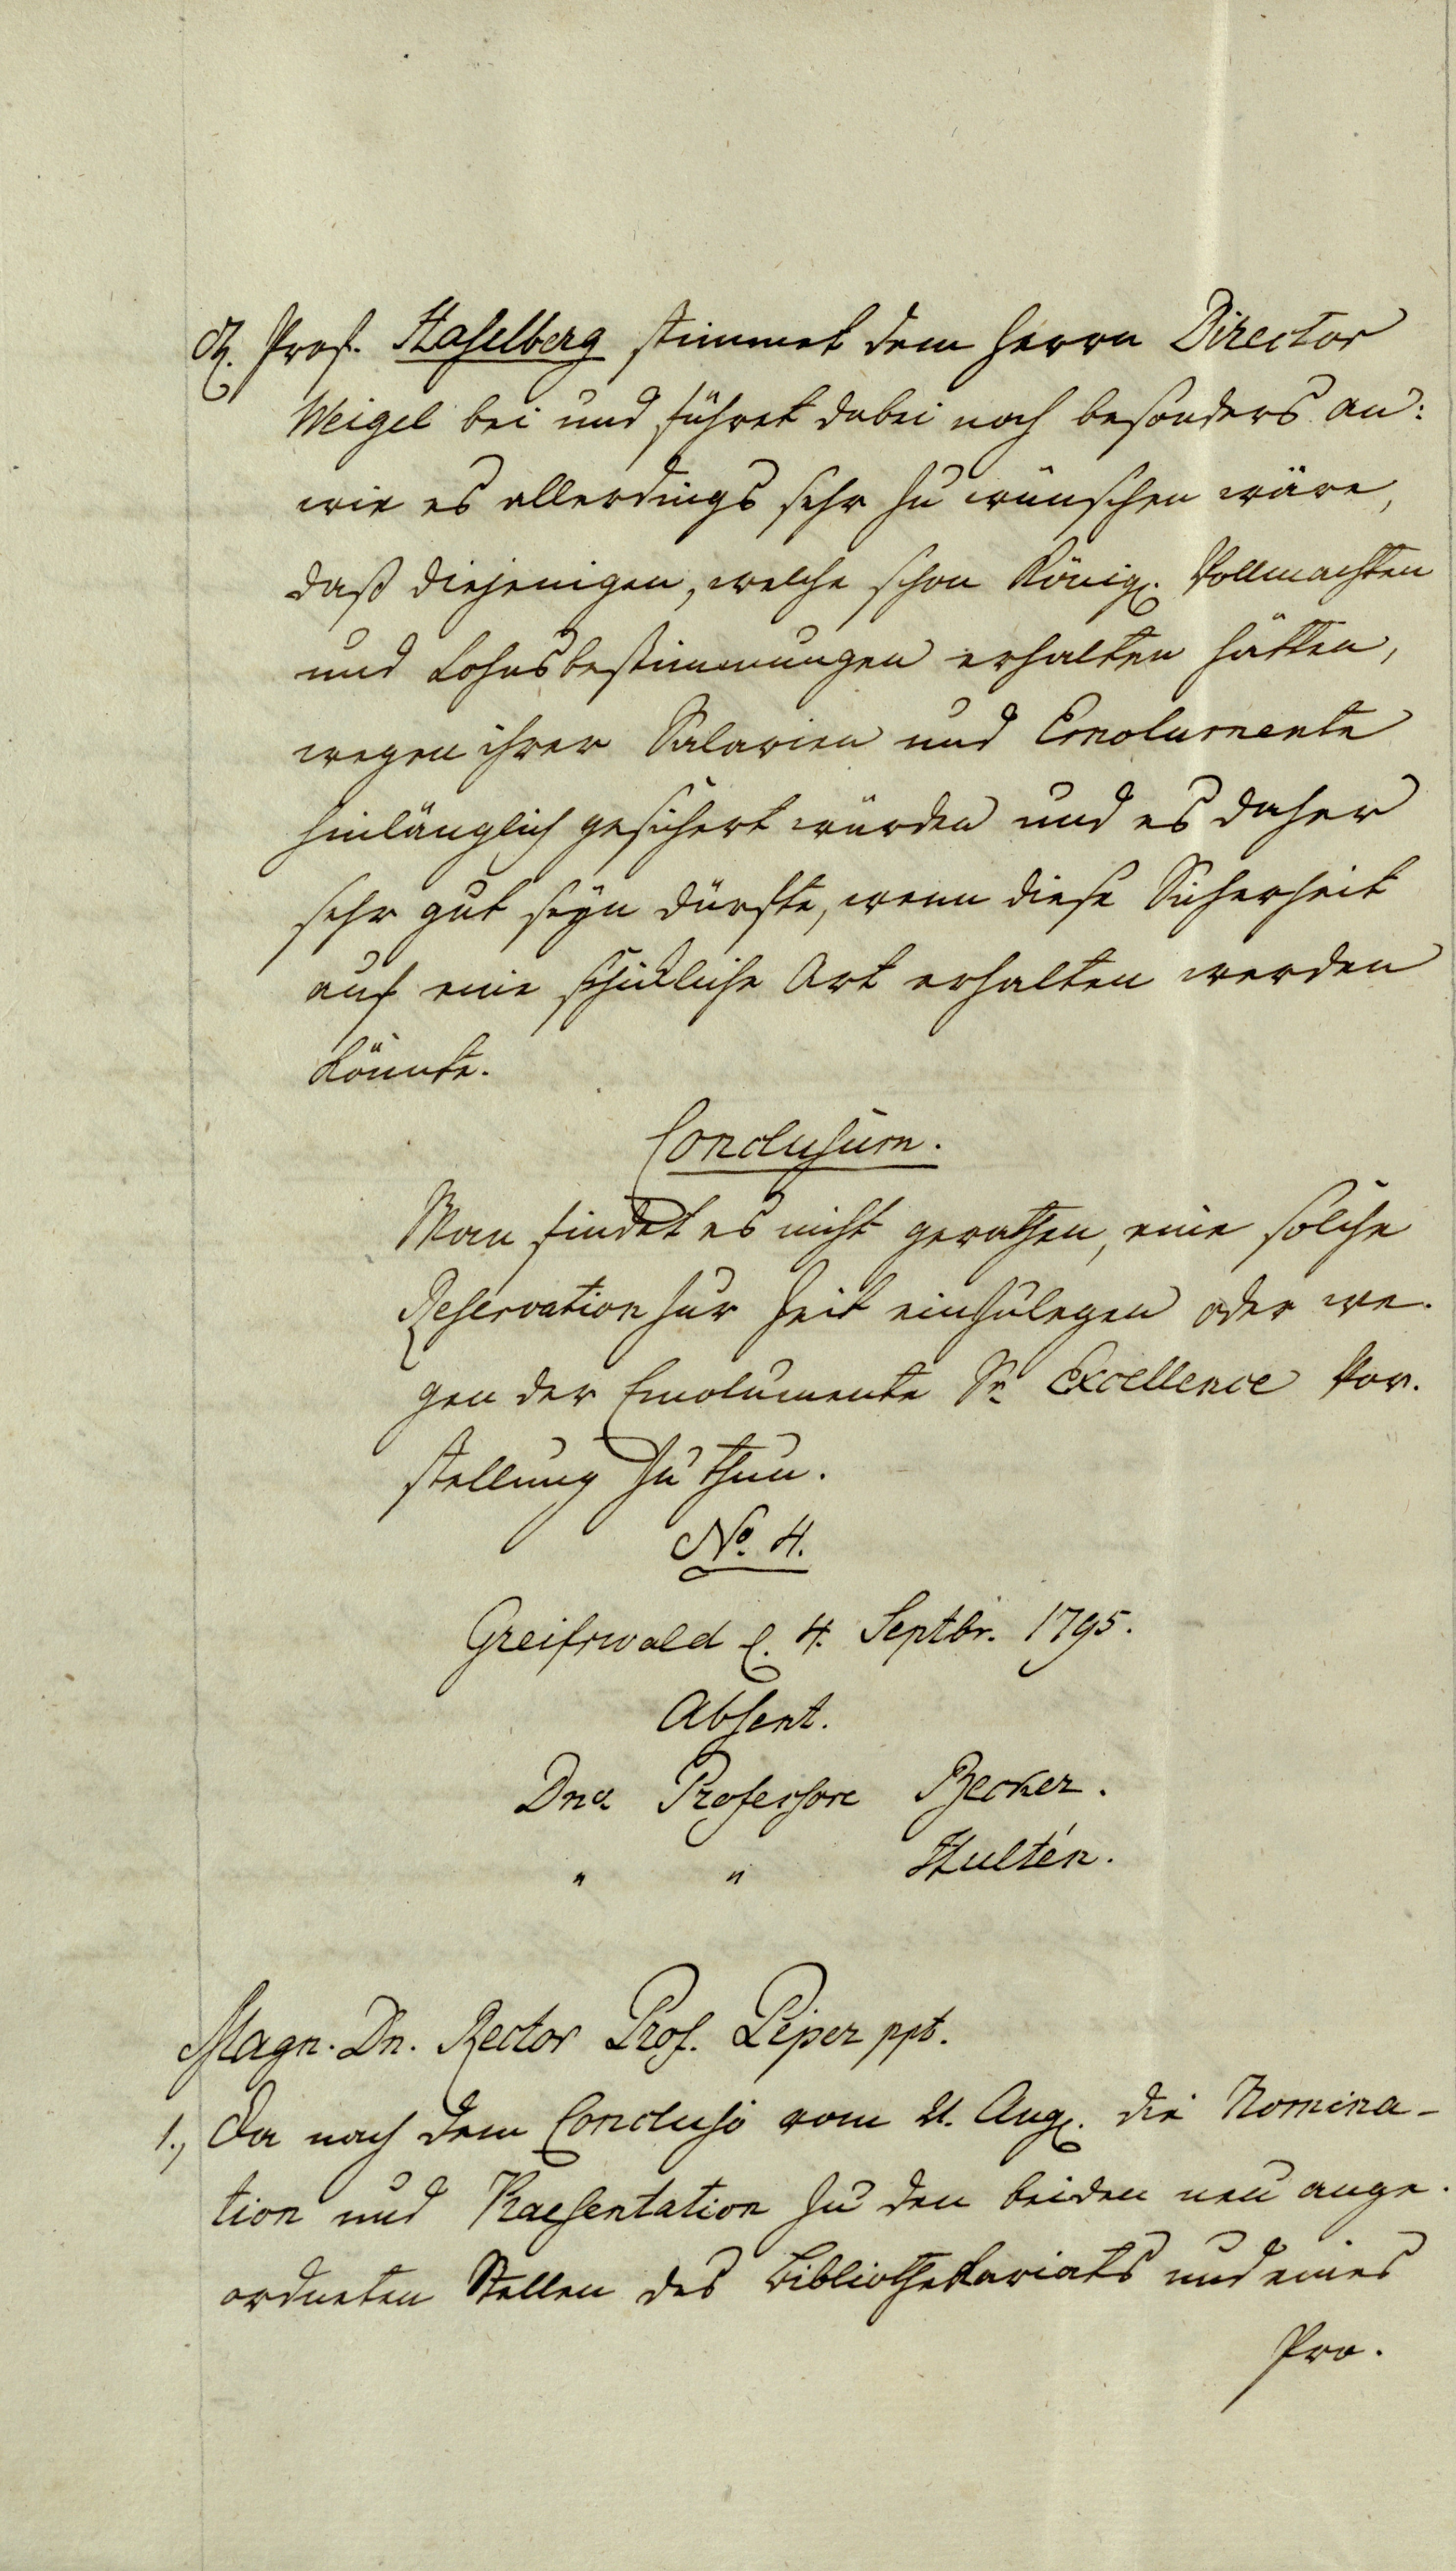dh. Prof. Haselberg stimmt dem Herrn Director
Weigel bei und führet dabei noch besonders an:
wie es allerdings sehr zu wünschen wäre,
daß diejenigen, welche schon Königl. Vollmachten
und Lohnsbestimmungen erhalten hätten,
wegen ihrer Salarien und Emolumente
hinlänglich gesichert würden und es daher
sehr gut seÿn dürfte, wenn diese Sicherheit
auf eine schickliche Art erhalten werden
könnte.
Conclusum.
Man findet es nicht gerathen, eine solche
Reservation zur Zeit einzulegen oder we¬
gen der Emolumente Sr. Excellence Vor¬
stellung zu thun.
No 4.
Greifswald d. 4. Septbr. 1795.
Absent.
Dno Professore Becher.
" " Hulten.
Magn. Dn. Rector Prof. Piper ppt.
1., Da nach dem Concluso vom 21. Aug. die Nomina¬
tion und Praesentation zu den beiden ange¬
ordneten Stellen des Bibliothekariats und eines
Pro¬